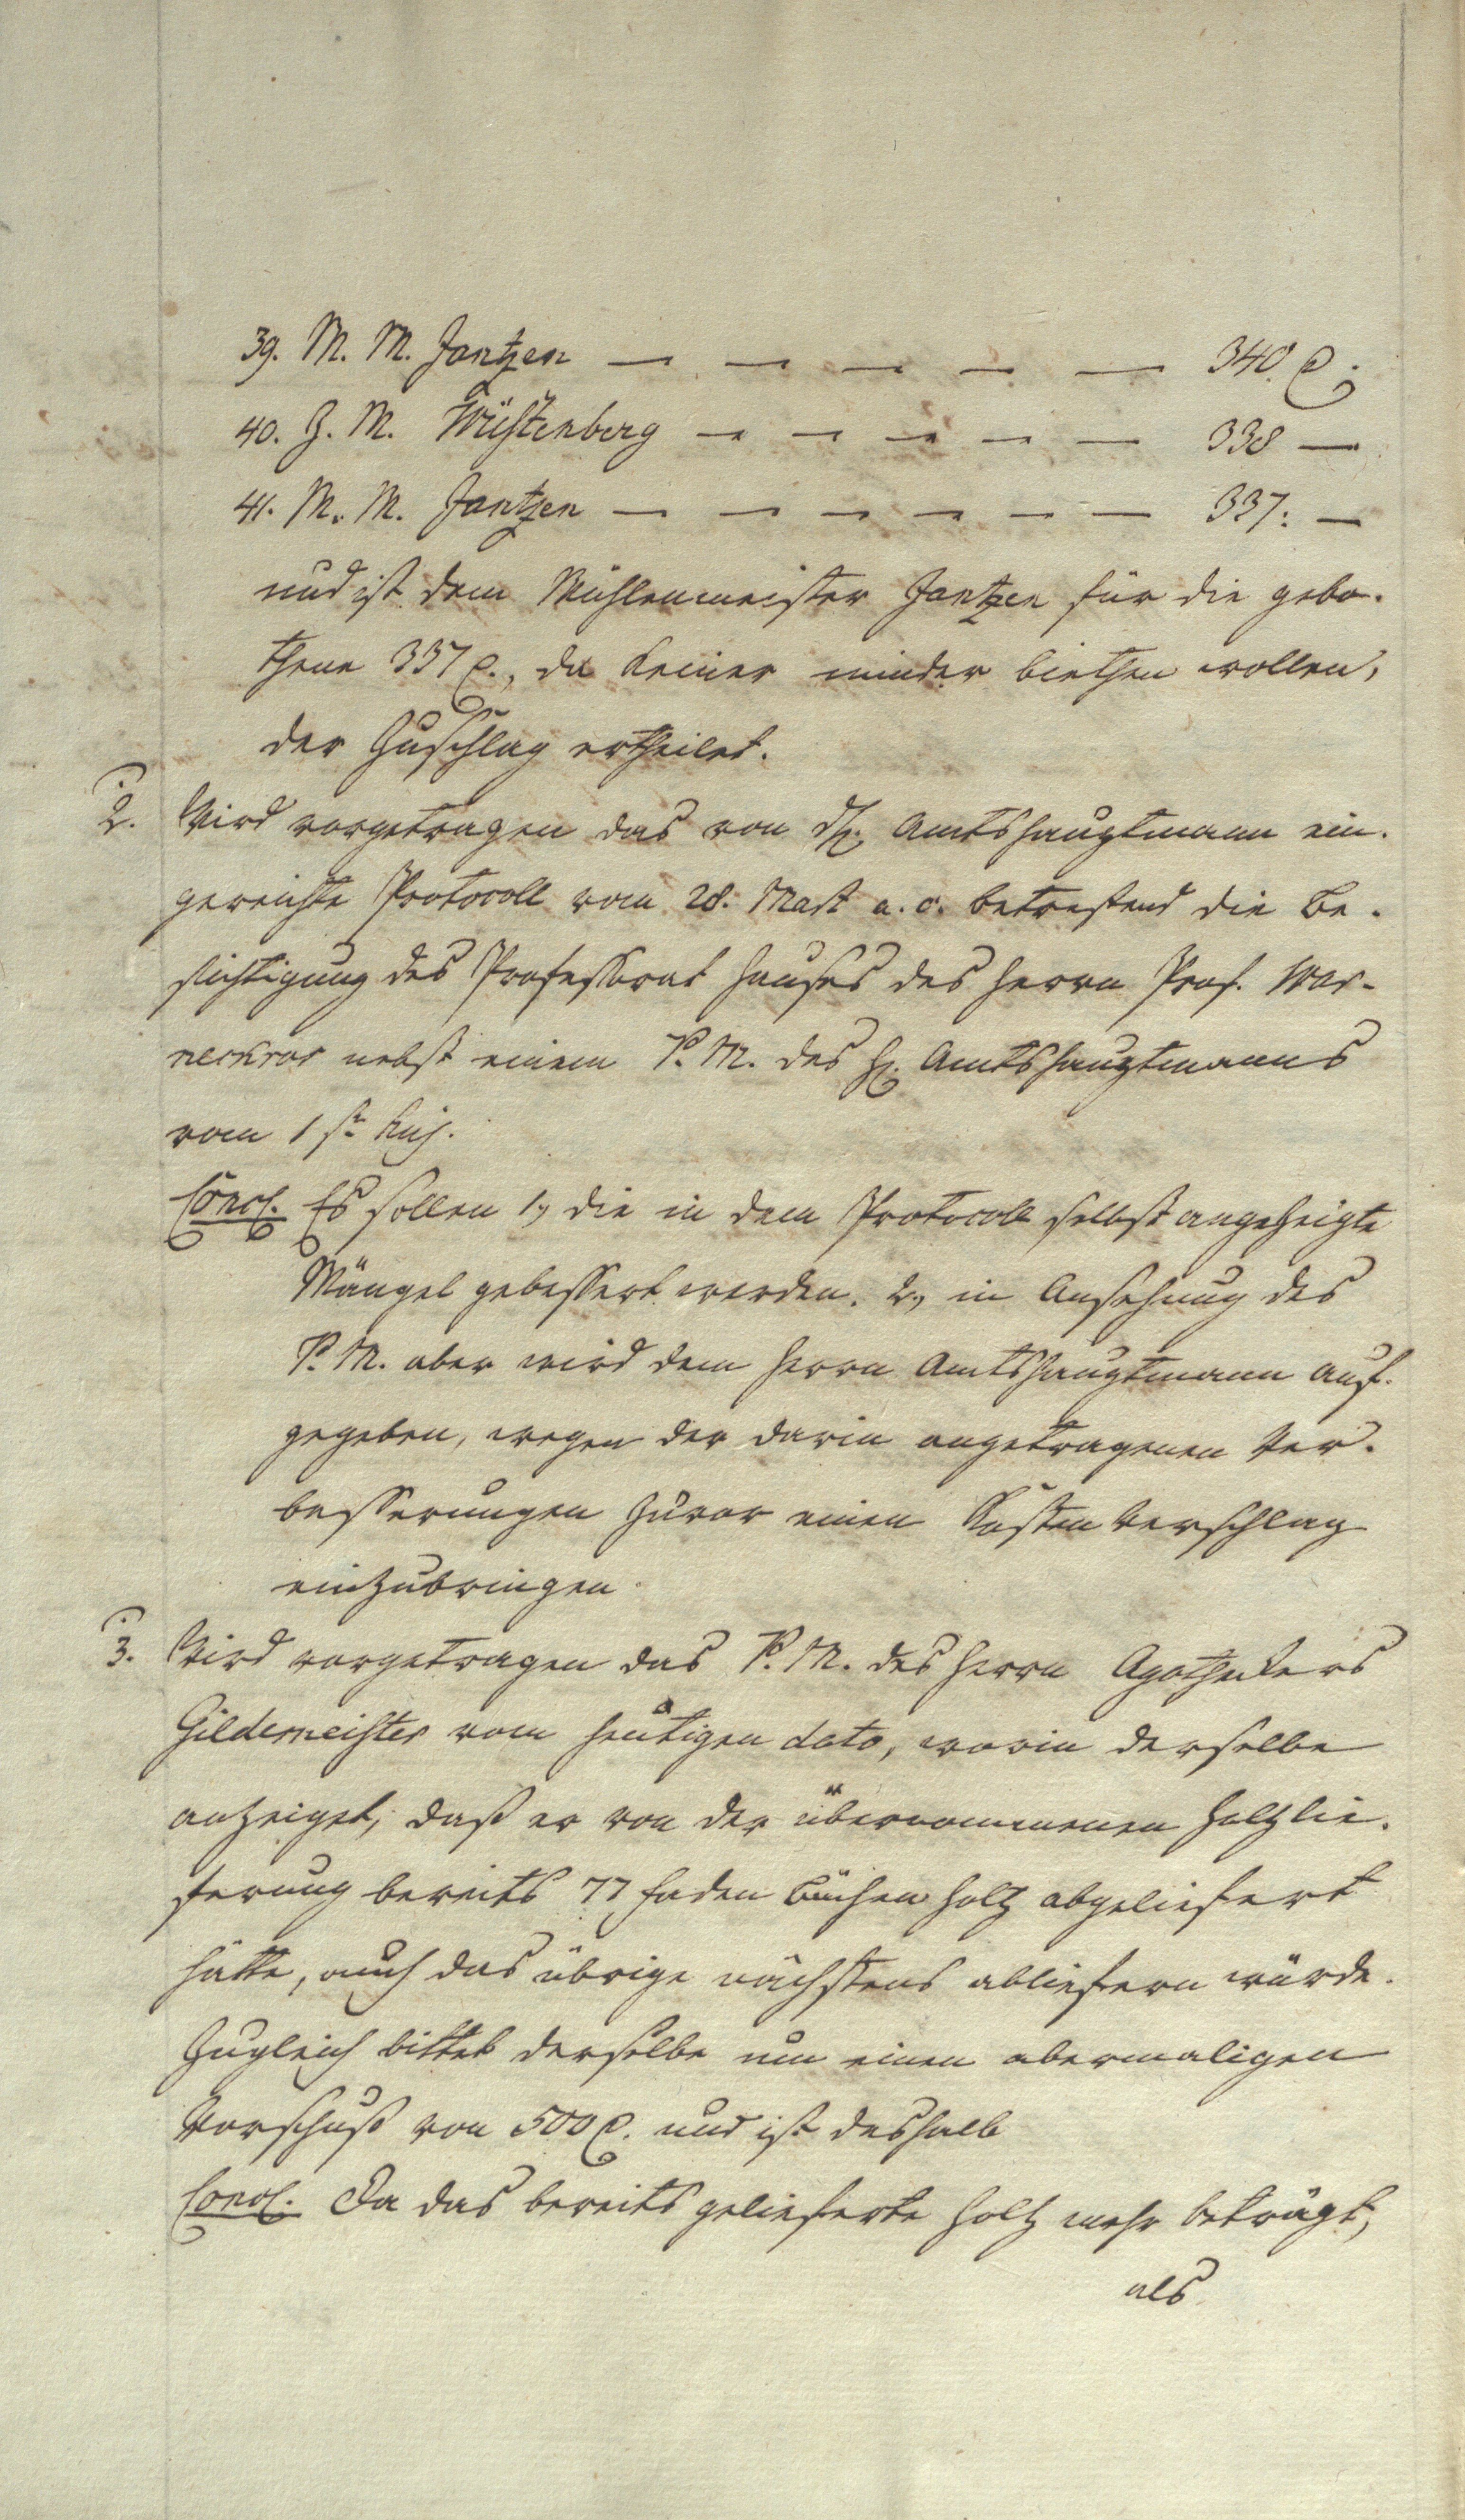39. M. M. Jantzen ----- 340 rtl.
40. Z. M. Wüstenberg ----- 338 -
41. M. M. Jantzen ------ 337: -
und ist dem Mühlenmeister Jantzen für die gebo¬
thene 337 rtl., da keiner minder biethen wollen,
der Zuschlag ertheilet.
2. Wird vorgetragen das von dh. Amtshauptmann ein¬
gereichte Protokoll vom 28. Mart a.c. betreffend die Be¬
sichtigung des Professorat hauses des Herrn Prof. War¬
nekros nebst einem P. M. des H. Amtshauptmanns
vom 1 st. huj.
Concl. Es sollen 1., die in dem Protocoll selbst angezeigte
Mängel gebessert werden. 2., in Ansehung des
P.M. aber wird dem herrn Amtshauptmann auf¬
gegeben, wegen der darin angetragenen Ver-
besserungen zuvor einen Kosten Verschlag
einzubringen.
3. Wird vorgetragen das P. M. des Herrn Apothekers
Gildemeister vom heutigen dato, worin derselbe
anzeiget, daß er von der übernommenen Holzlie¬
ferung bereits 778 Faden Buchen Holz abgeliefert
hätte, auch das übrige nächstens abliefern würde.
Zugleich bittet derselbe um einen abermaligen
Vorschuß von 500 rtl. und ist deshalb
Concl. Da das bereits gelieferte Holz mehr beträgt
als